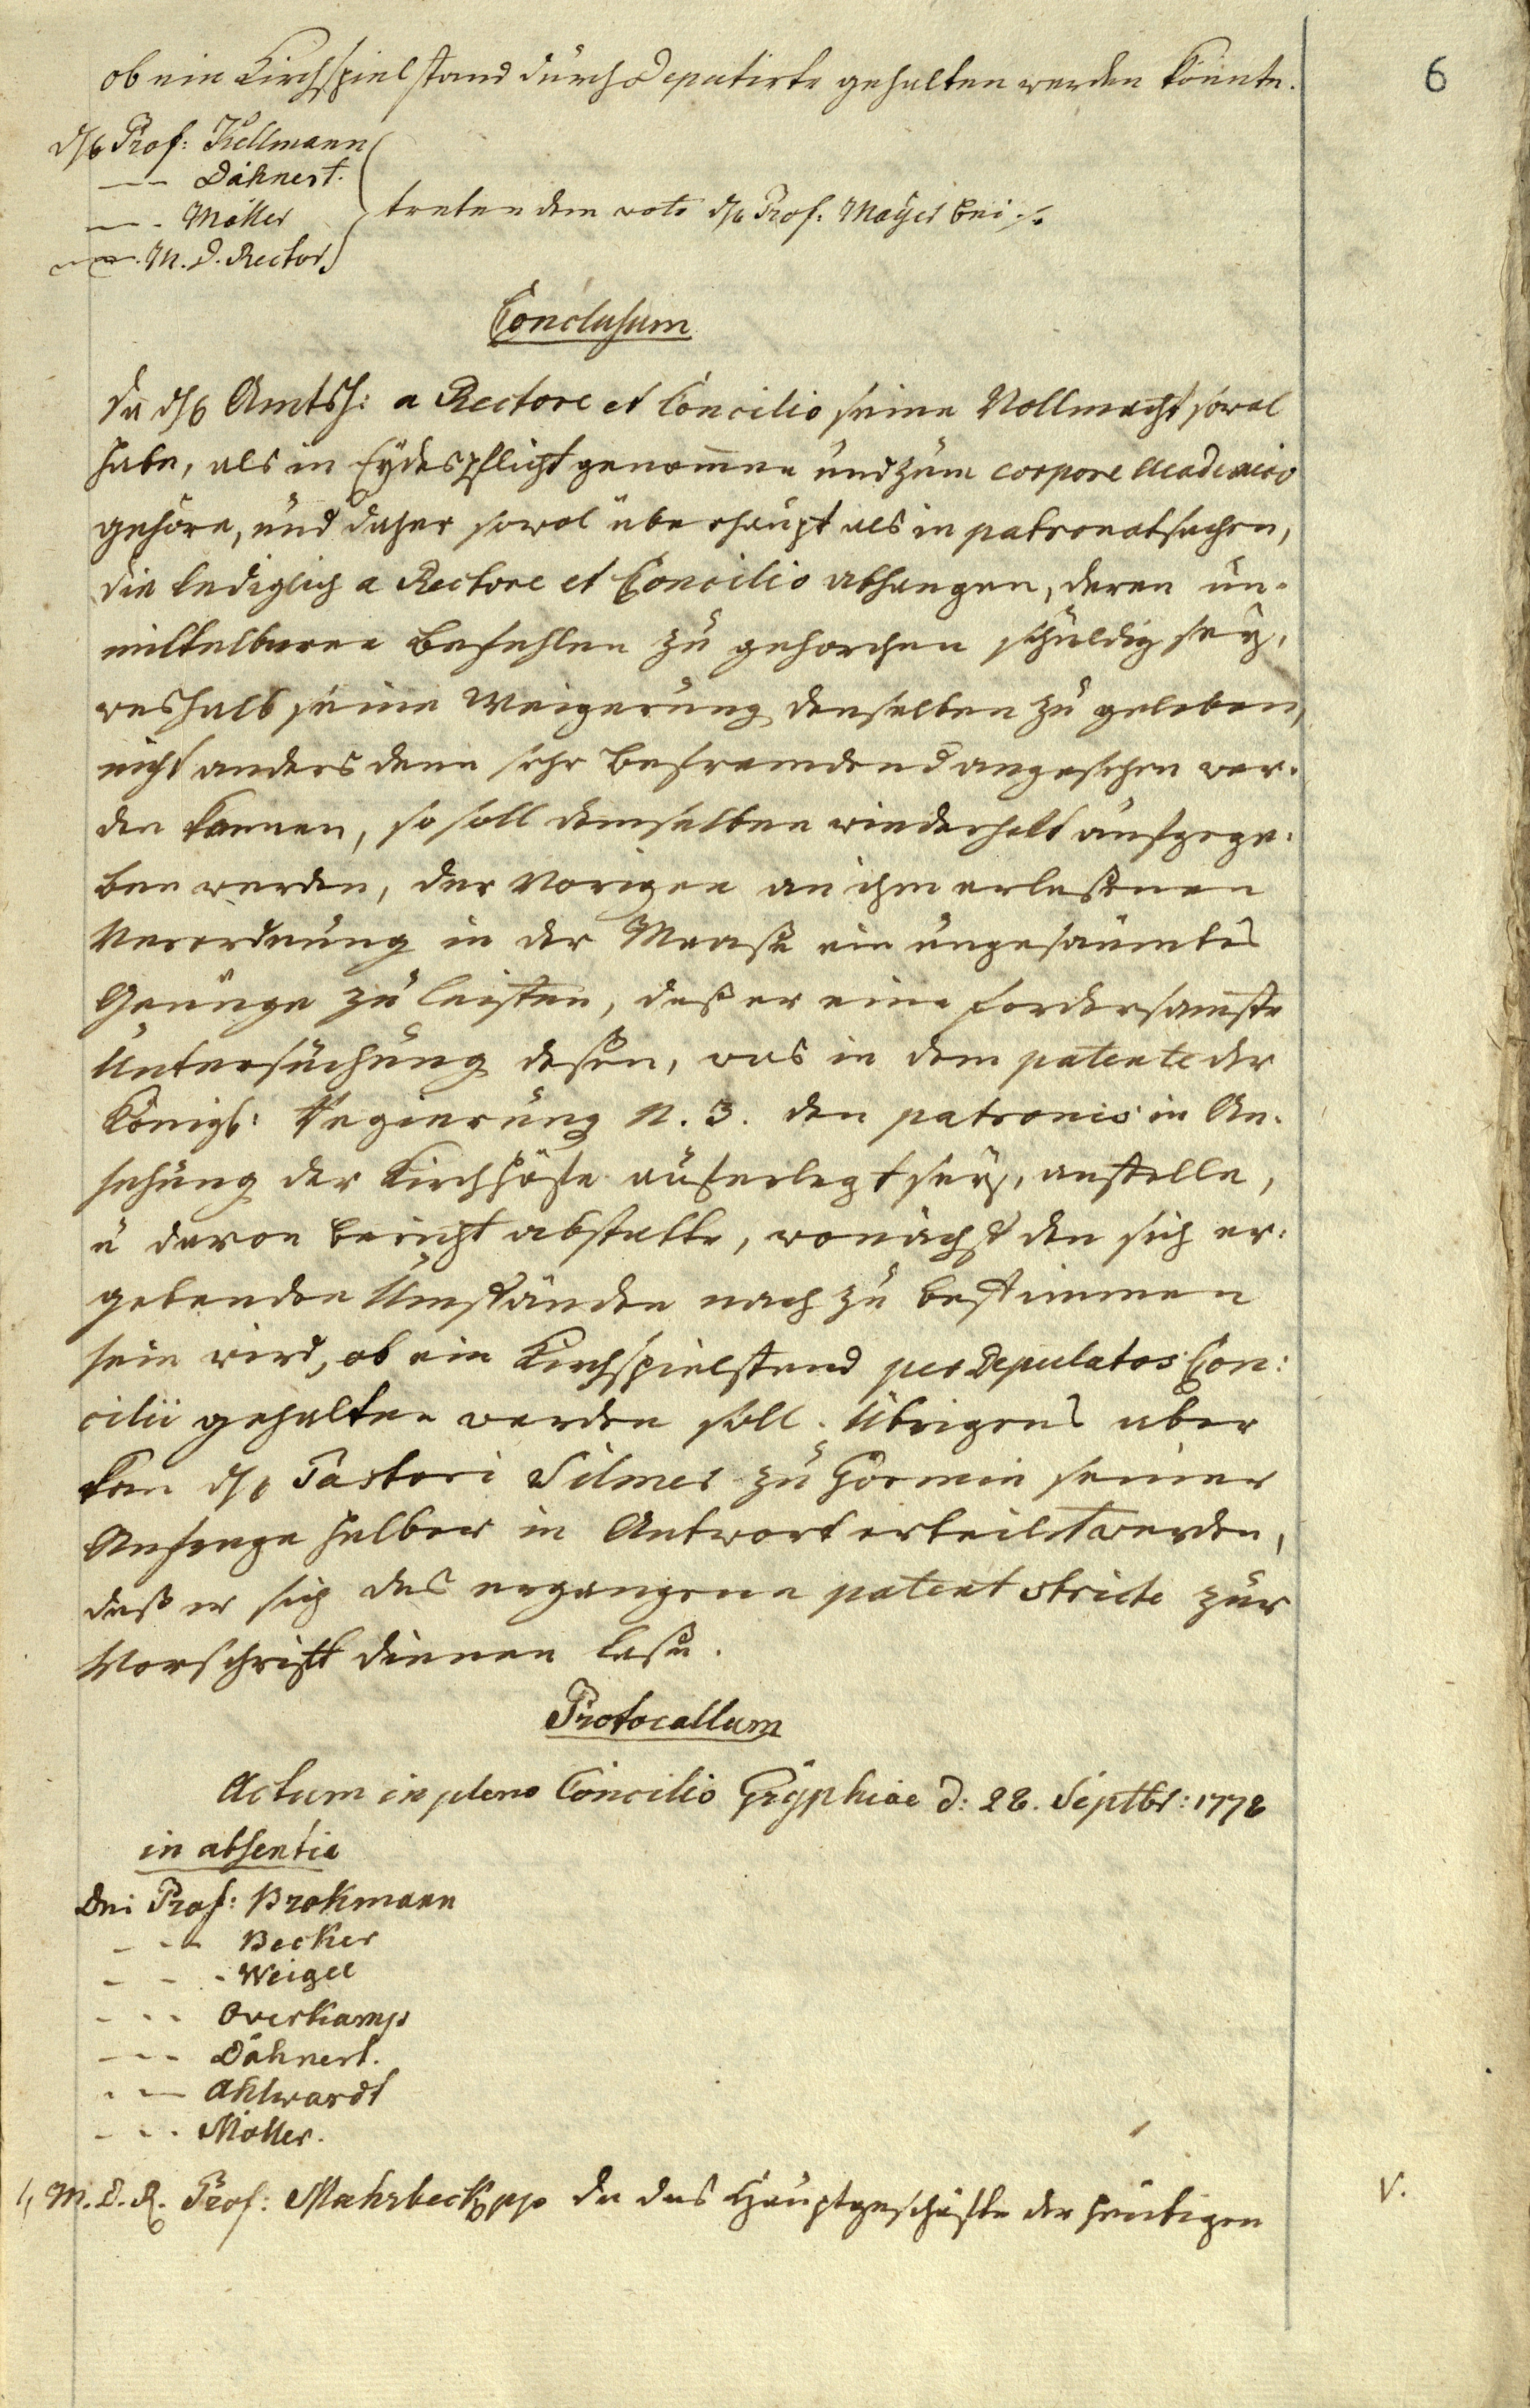ob ein Kirchspielstand durch Deputirte gehalten werden könnte.
dh Prof. Kellmann.
Dähnert.
Möller treten dem voto dh Prof. Maÿer bei
M. D. Rector
Conclusum
Da dh Amtsh. a Rectore et Concilio seine Vollmacht sowol
habe, als in Eÿdespflicht genomen und zum corpore Academico
gehöre, und daher sowol überhaupt als in patronatsachen,
die lediglich a Rectore es Concilio abhangen, deren un¬
mittelbaren Befehlen zu gehorchen schuldig seÿ,
weshalb seine Weigerung denselben zu geleben,
nicht anders denn sehr befremdend angesehen wer¬
den können, so soll demselben wiederholt aufgege¬
ben werden, der vorigen an ihm verlaßenen
Verordnung in der Maaße ein ungesäumtes
Genüge er leisten, daß er eine fordersamste
Untersuchung deßen, was in dem patente der
Königl. Regierung N. 3. den patronis in An¬
sehung der Kirchhöfe auferlegt seÿ, anstelle,
u davon Bericht abstatte, wonächst den sich er¬
gebenden Umständen nach zu bestimmen
sein wird, ob ein Kirchspielstand per Deputatos Con¬
cilii gehalten werden soll. Übrigens aber
kan dh Pastori Silmer zu Görmin seiner
Anfrage halber in Antwort erteilt werden,
daß er sich das ergangene patent stricte zur
Vorschrift dienen laße.
Protocollum
Actum in pleno Concilio Grÿphiae d. 28. Septbr. 1778
in absentia
Dni. Prof. Brokmann
Becker
Weigel
Overkamp
Dähnert.
Ahlwardt
Möller.
1, M. D. R. Prof. Muhrbeck pp Da das Hauptgeschäfte der heutigen